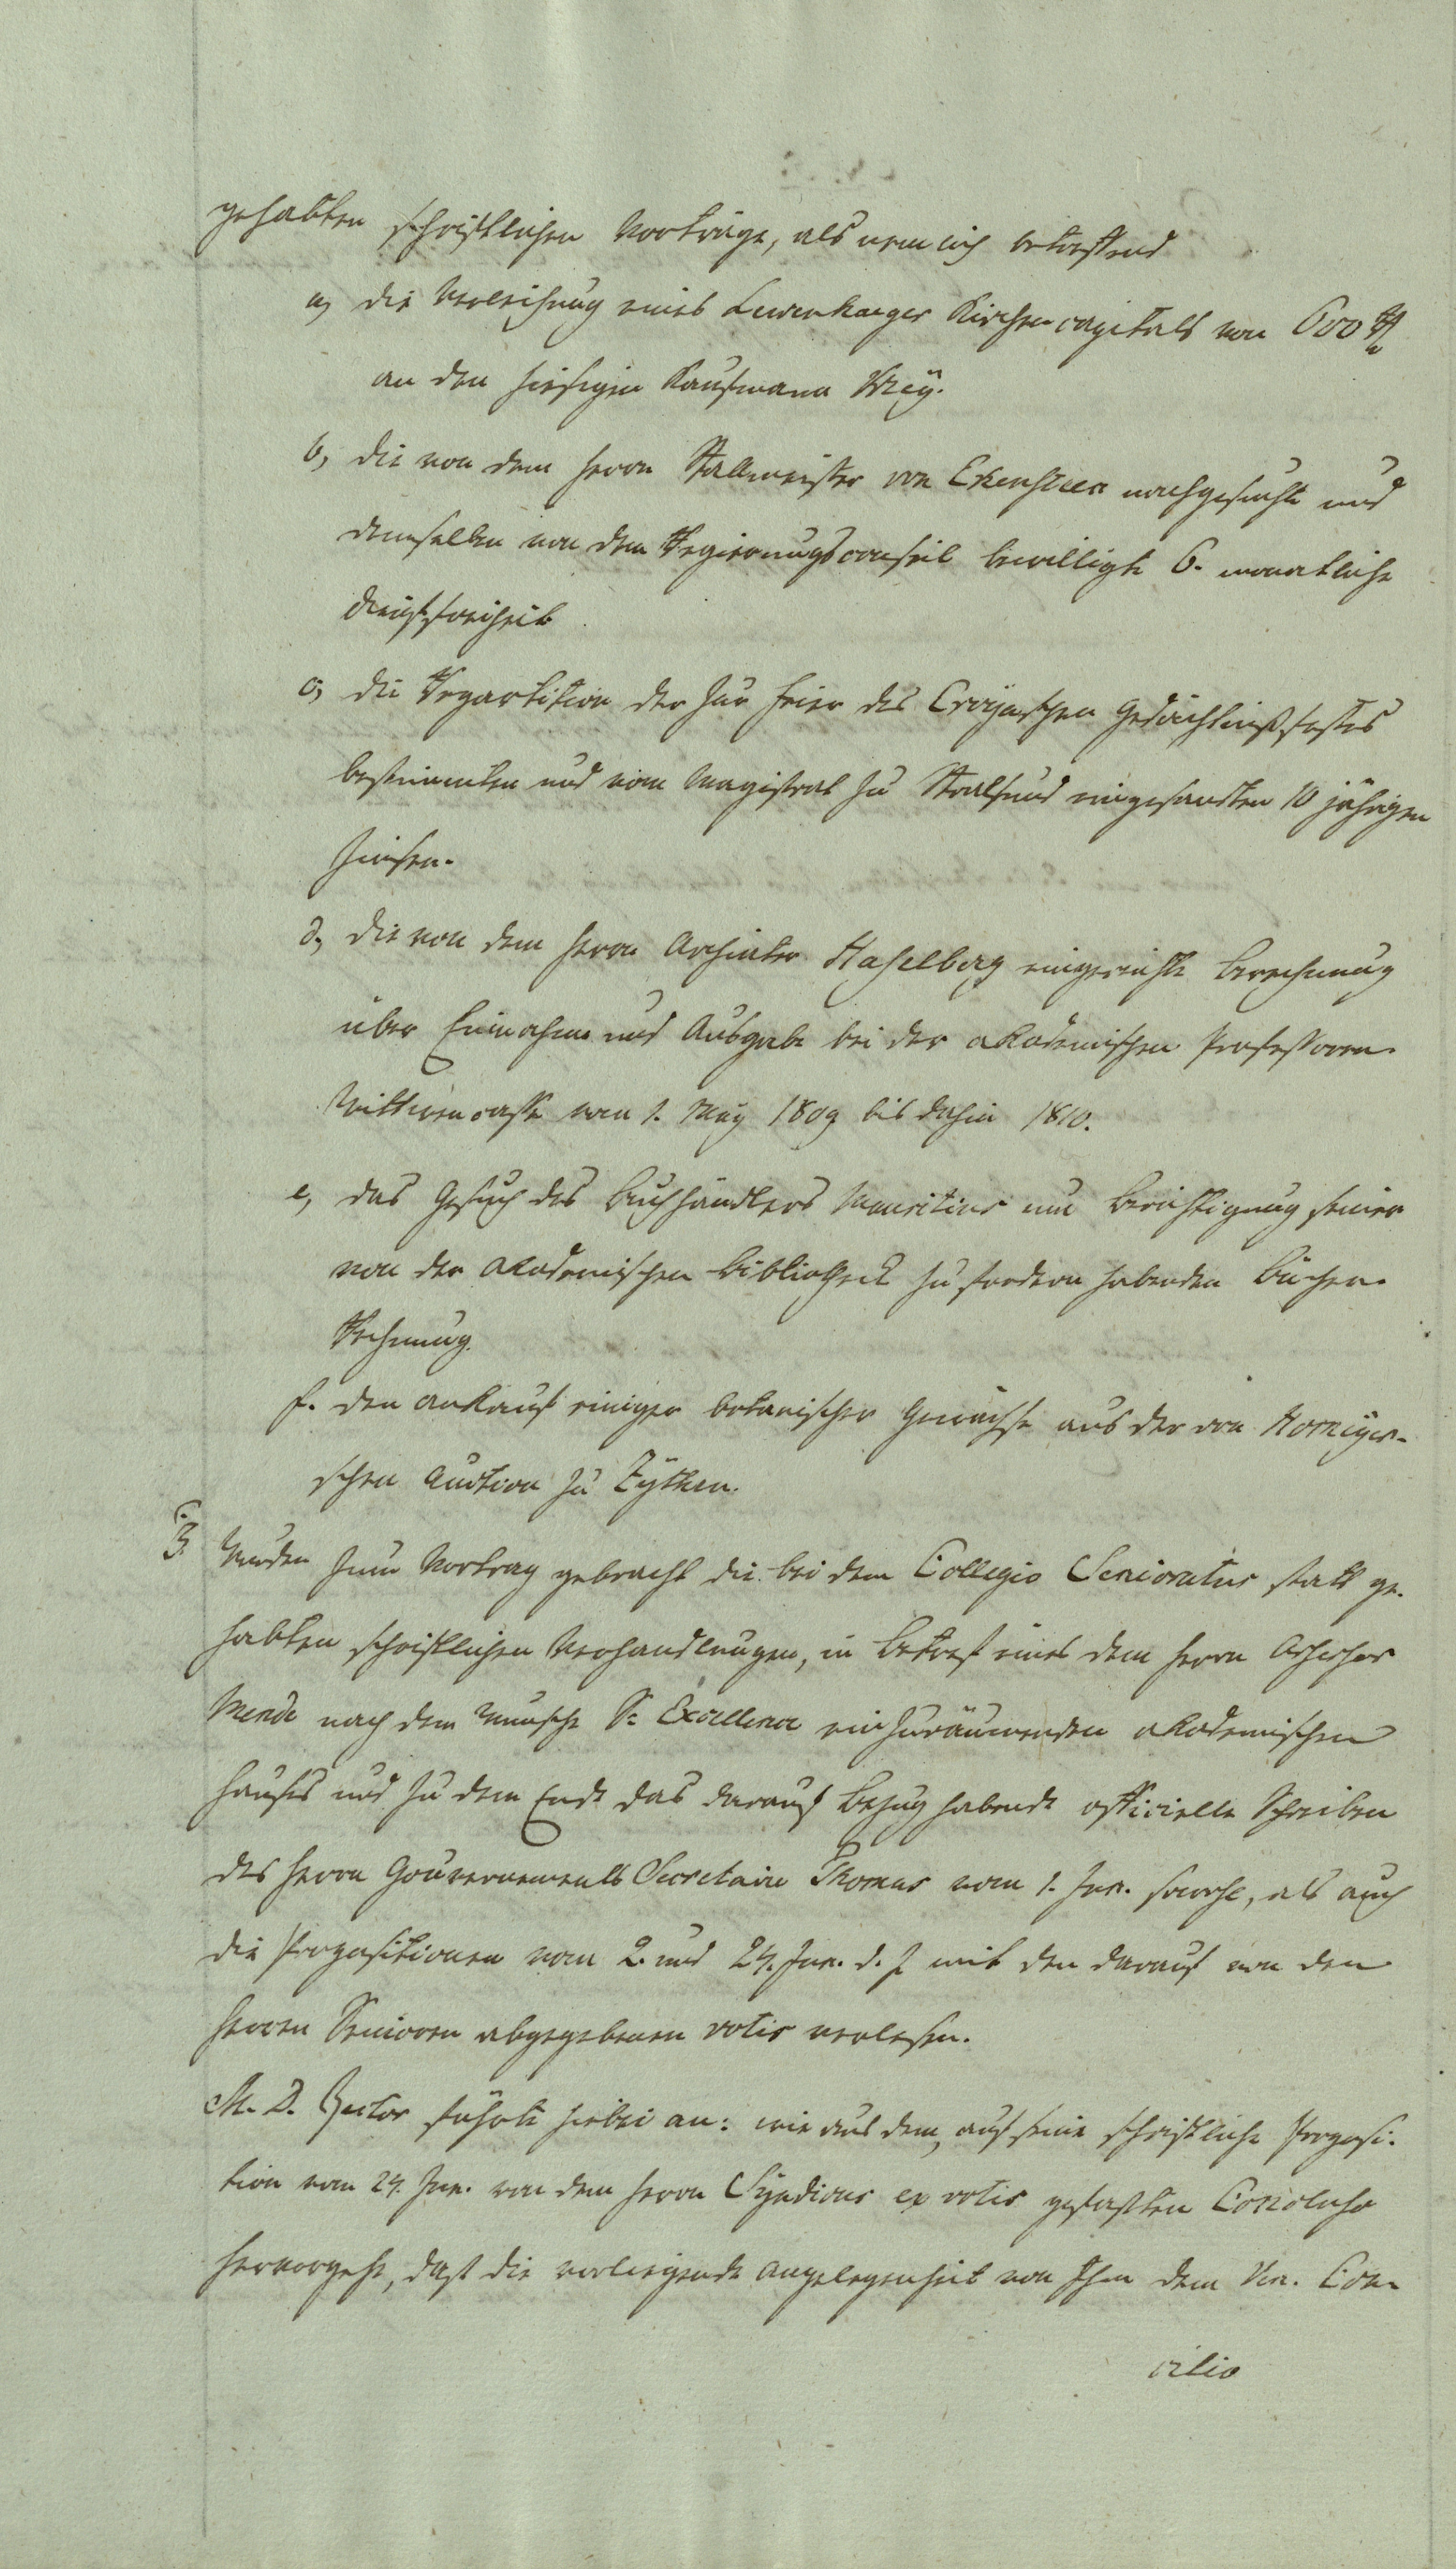gehabten schriftlichen Vorträge, als nemlich betreffend
a, die Verleihung eines Lewenhaeger Kirchencapitals von 600 Rt.
an den hiesigen Kaufmann Kreÿ.
b, die von dem herrn Stallmeister von Ekensteen nachgesuchte und
demselben von dem Regierungsconseil bewilligte 6. monatliche
Dienstfreiheit.
c, die Repartition der zur Feier des Croÿanschen Gedächtnißfestes
bestimmten und vom Magistrat zu Stralsund eingesandten 10 jährigen
Zinsen.
d, die von dem herrn Archiater Haselberg eingereichte Berechnung
über Einnahme und Ausgabe bei der akademischen Professoren
Wittwencasse vom 1. Maÿ 1809 bis dahin 1810.
e, das Gesuch des Buchhändlers Mauritius um Berichtigung seiner
von der akademischen Bibliotheck zu fordern habenden Bücher¬
Rechnung.
f. den Ankauf einiger botanischer Gewächse aus der von Homeÿer¬
schen Auction zu Zÿthen.
3. Werden zum Vortrag gebracht die bei dem Collegio Senioratus statt ge¬
gehabten schriftlichen Verhandlungen, in Betref eines dem herrn Assessor
Mende nach dem Wunsche Sr. Excellence einzuräumenden akademischen
hauses und zu dem Ende das darauf Bezug habende officielle Schreiben
des herrn Gouvernements Secretair Thomas vom 1. Jun. sowohl, als auch
die Propositionen vom 2. und 24. Jun. d. J. mit den darauf von den
herren Senioren abgegebenen votis verlesen.
M. D. Rector führte hiebei an: wie aus dem, auf seine schriftliche Proposi¬
tion vom 24. Jun. von dem herrn Sÿndicus ex votis gefaßten Concluso
hervorgeht, daß die vorliegende Angelegenheit von Ihm dem Ven. Con¬
cilio